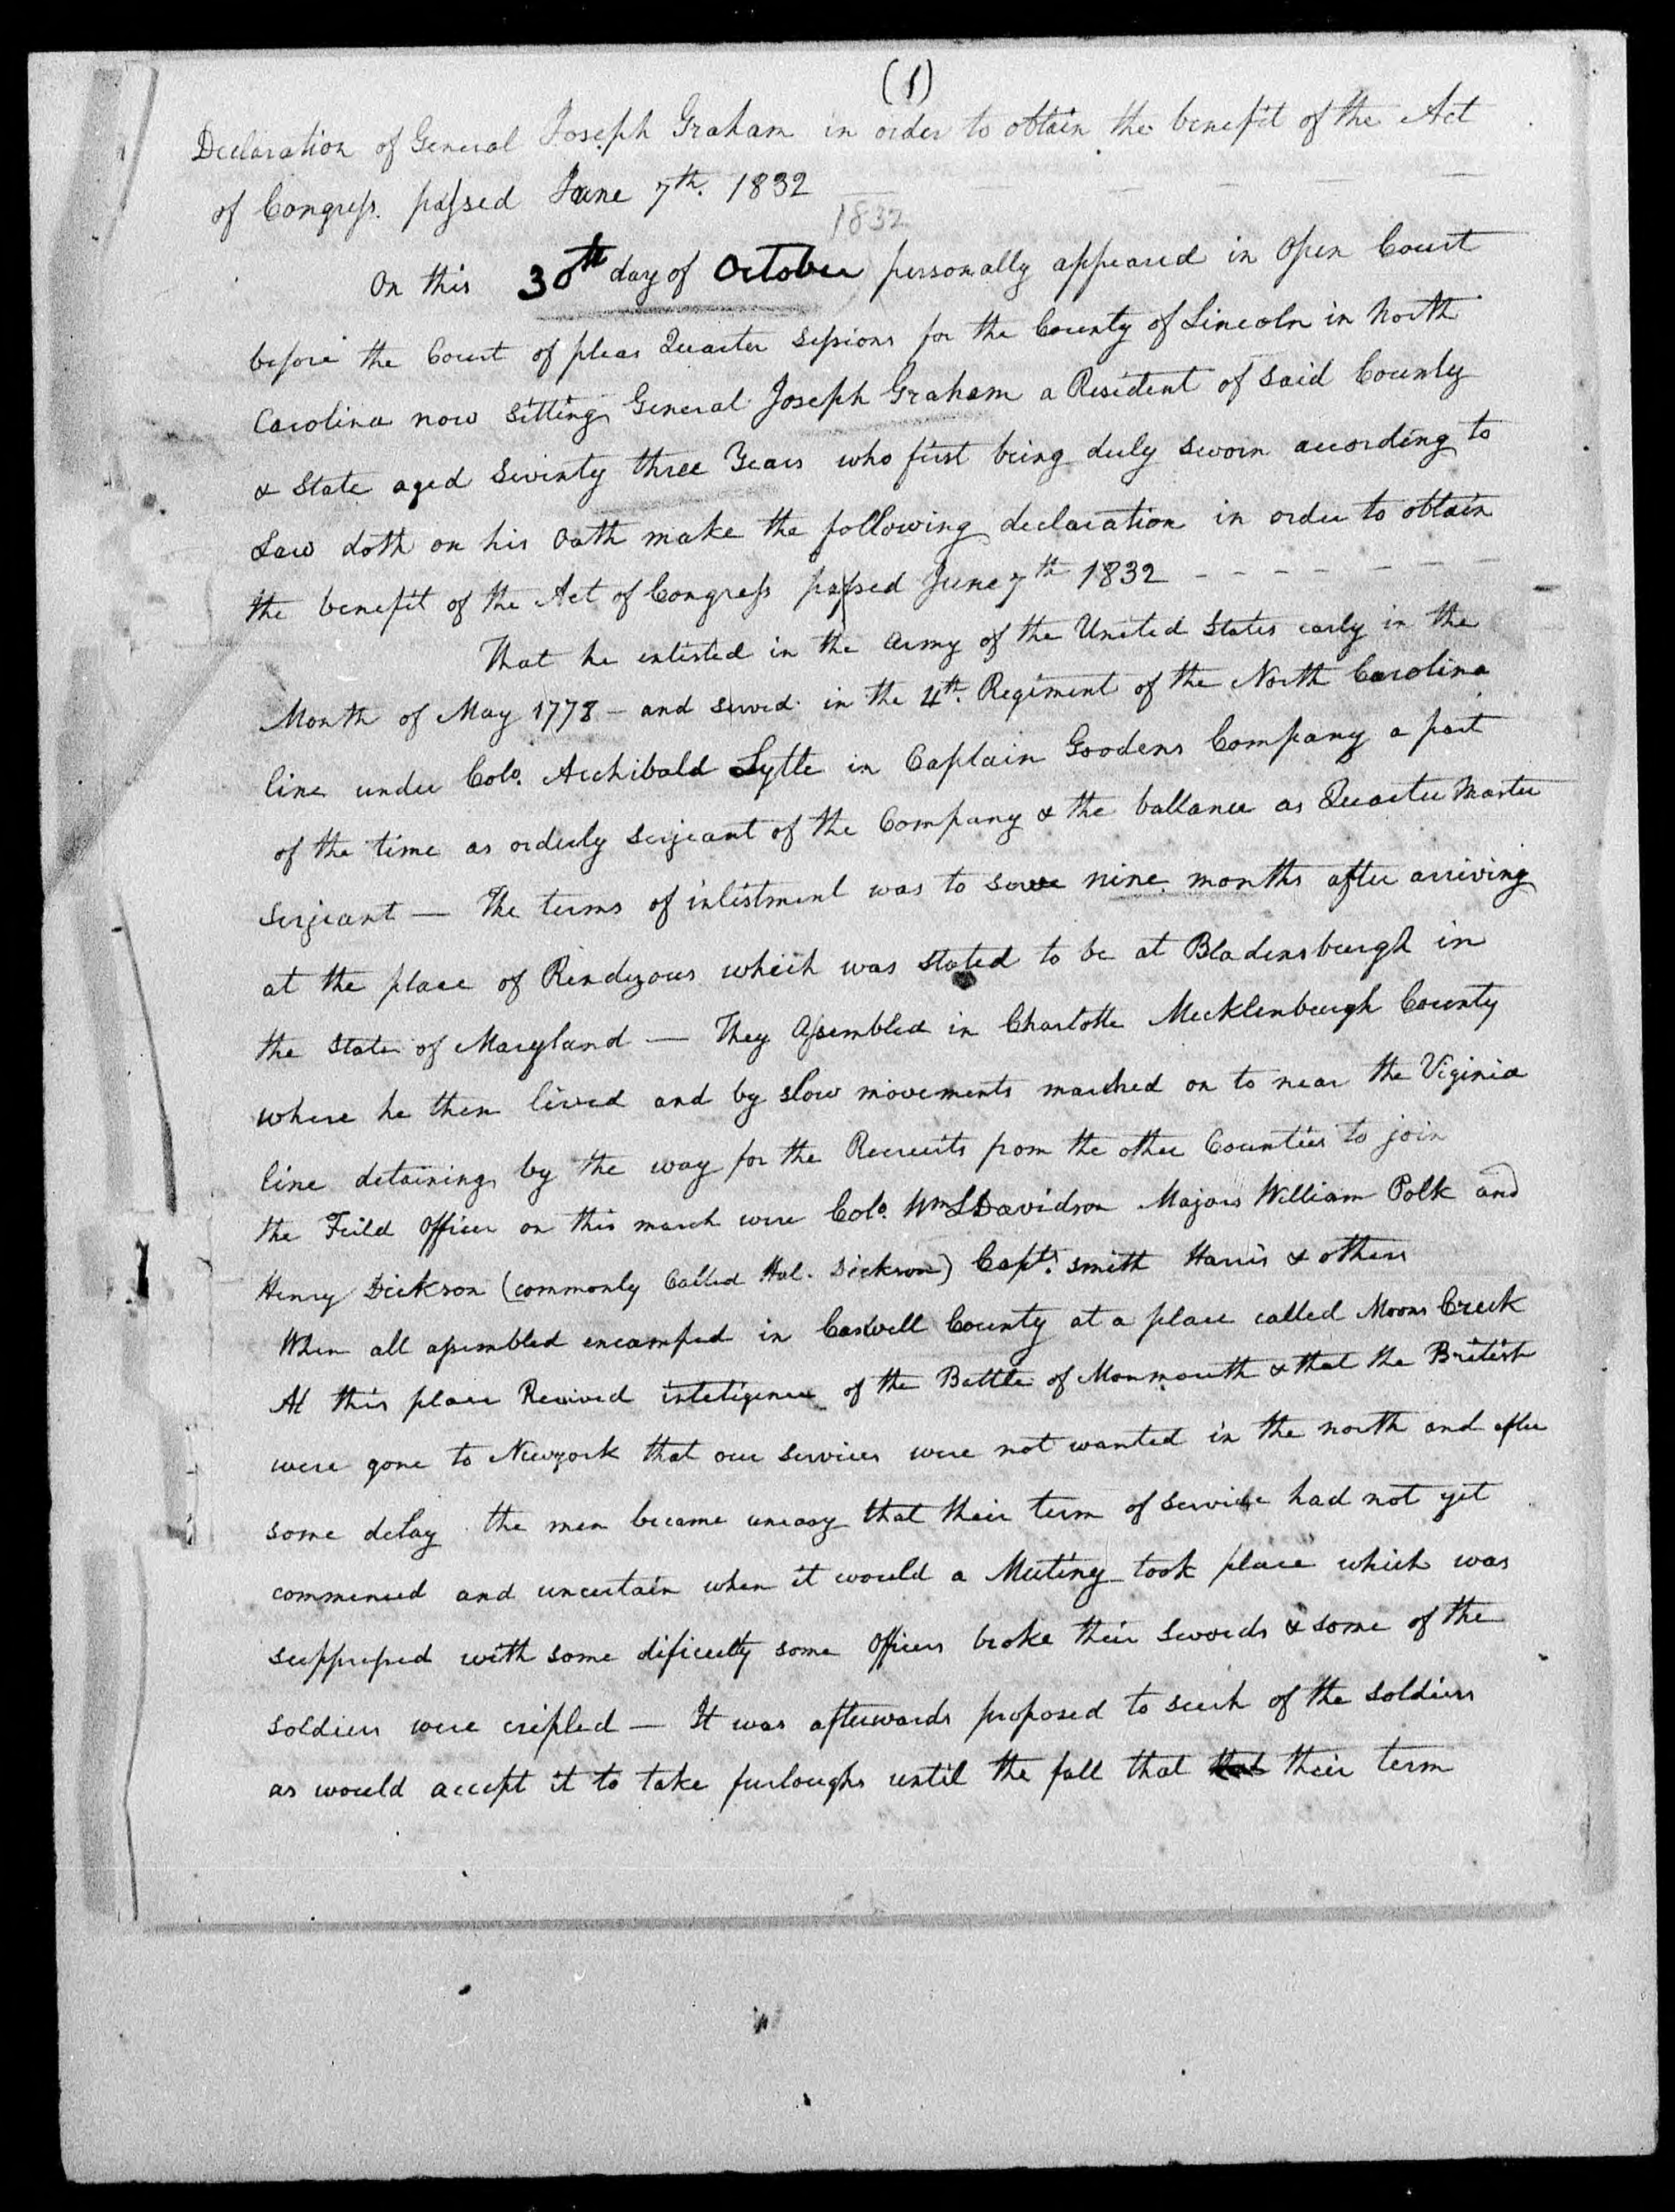(1)
Declaration of General Joseph Graham in order to obtain the benefit of the Act of Congress passed June 7th 1832.------------------------------
On this 30th day of October personally appeared in open Court before the Court of pleas Quaarter Sessions for the County of Lincoln in North Carolina now sitting General Joseph Graham a Resident of said County & State aged Seventy three years who first being duly sworn according to Law doth on his oath make the following declaration in order to obtain the benefit of the Act of Congress passed June 7th 1832 -----------
That he enlisted in the army of the United States early in the month of May 1778 - and served in the 4th Regiment of the North Carolina line under Col. Archibald Lytle in Captain Gooden's Company a part of the time as orderly sergeant of the Company & the balance as Quarter Master Sergeant - The terms of enlistment was to serve nine months after arribing at the place of Rendezvous which was stated to be at Bladensburgh in the state of Maryland - They assembled in Charlotte Mecklenburgh County where he then lied and by slow movements marched on the neaer the Virginia line detaining by the way for the Recruits from the other Counties to join the Field Officer on this march were Col. Wm. L. Davidson Majors William Polk and Henry Dickson (commonly called Hal. Dickson) Capt. Smith Harris & others. When all assembled encamped in Caswell County at a place called Moore's Creek At this place Received intelligence of the Battle of Monmouth & that the British were gone to New York that our services were not wanted in the north and after some delay the men became uneasy that their term of service had not commenced and uncertain when it would a meeting took place which was suppressed with some difficulty some officers broke their swords & some of the soldiers were crippled - It was afterwards proposed to such of the soldiers as would accept it to take furlough until the fall that their term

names: Joseph Graham, Smith Harris, William Polk, Wm L Davidson, Joseph Graham, Archibald Lytle, Henry Dickson, Dickson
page: 11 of 55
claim: survivor's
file: S. 6,937, Joseph Graham, N.C.